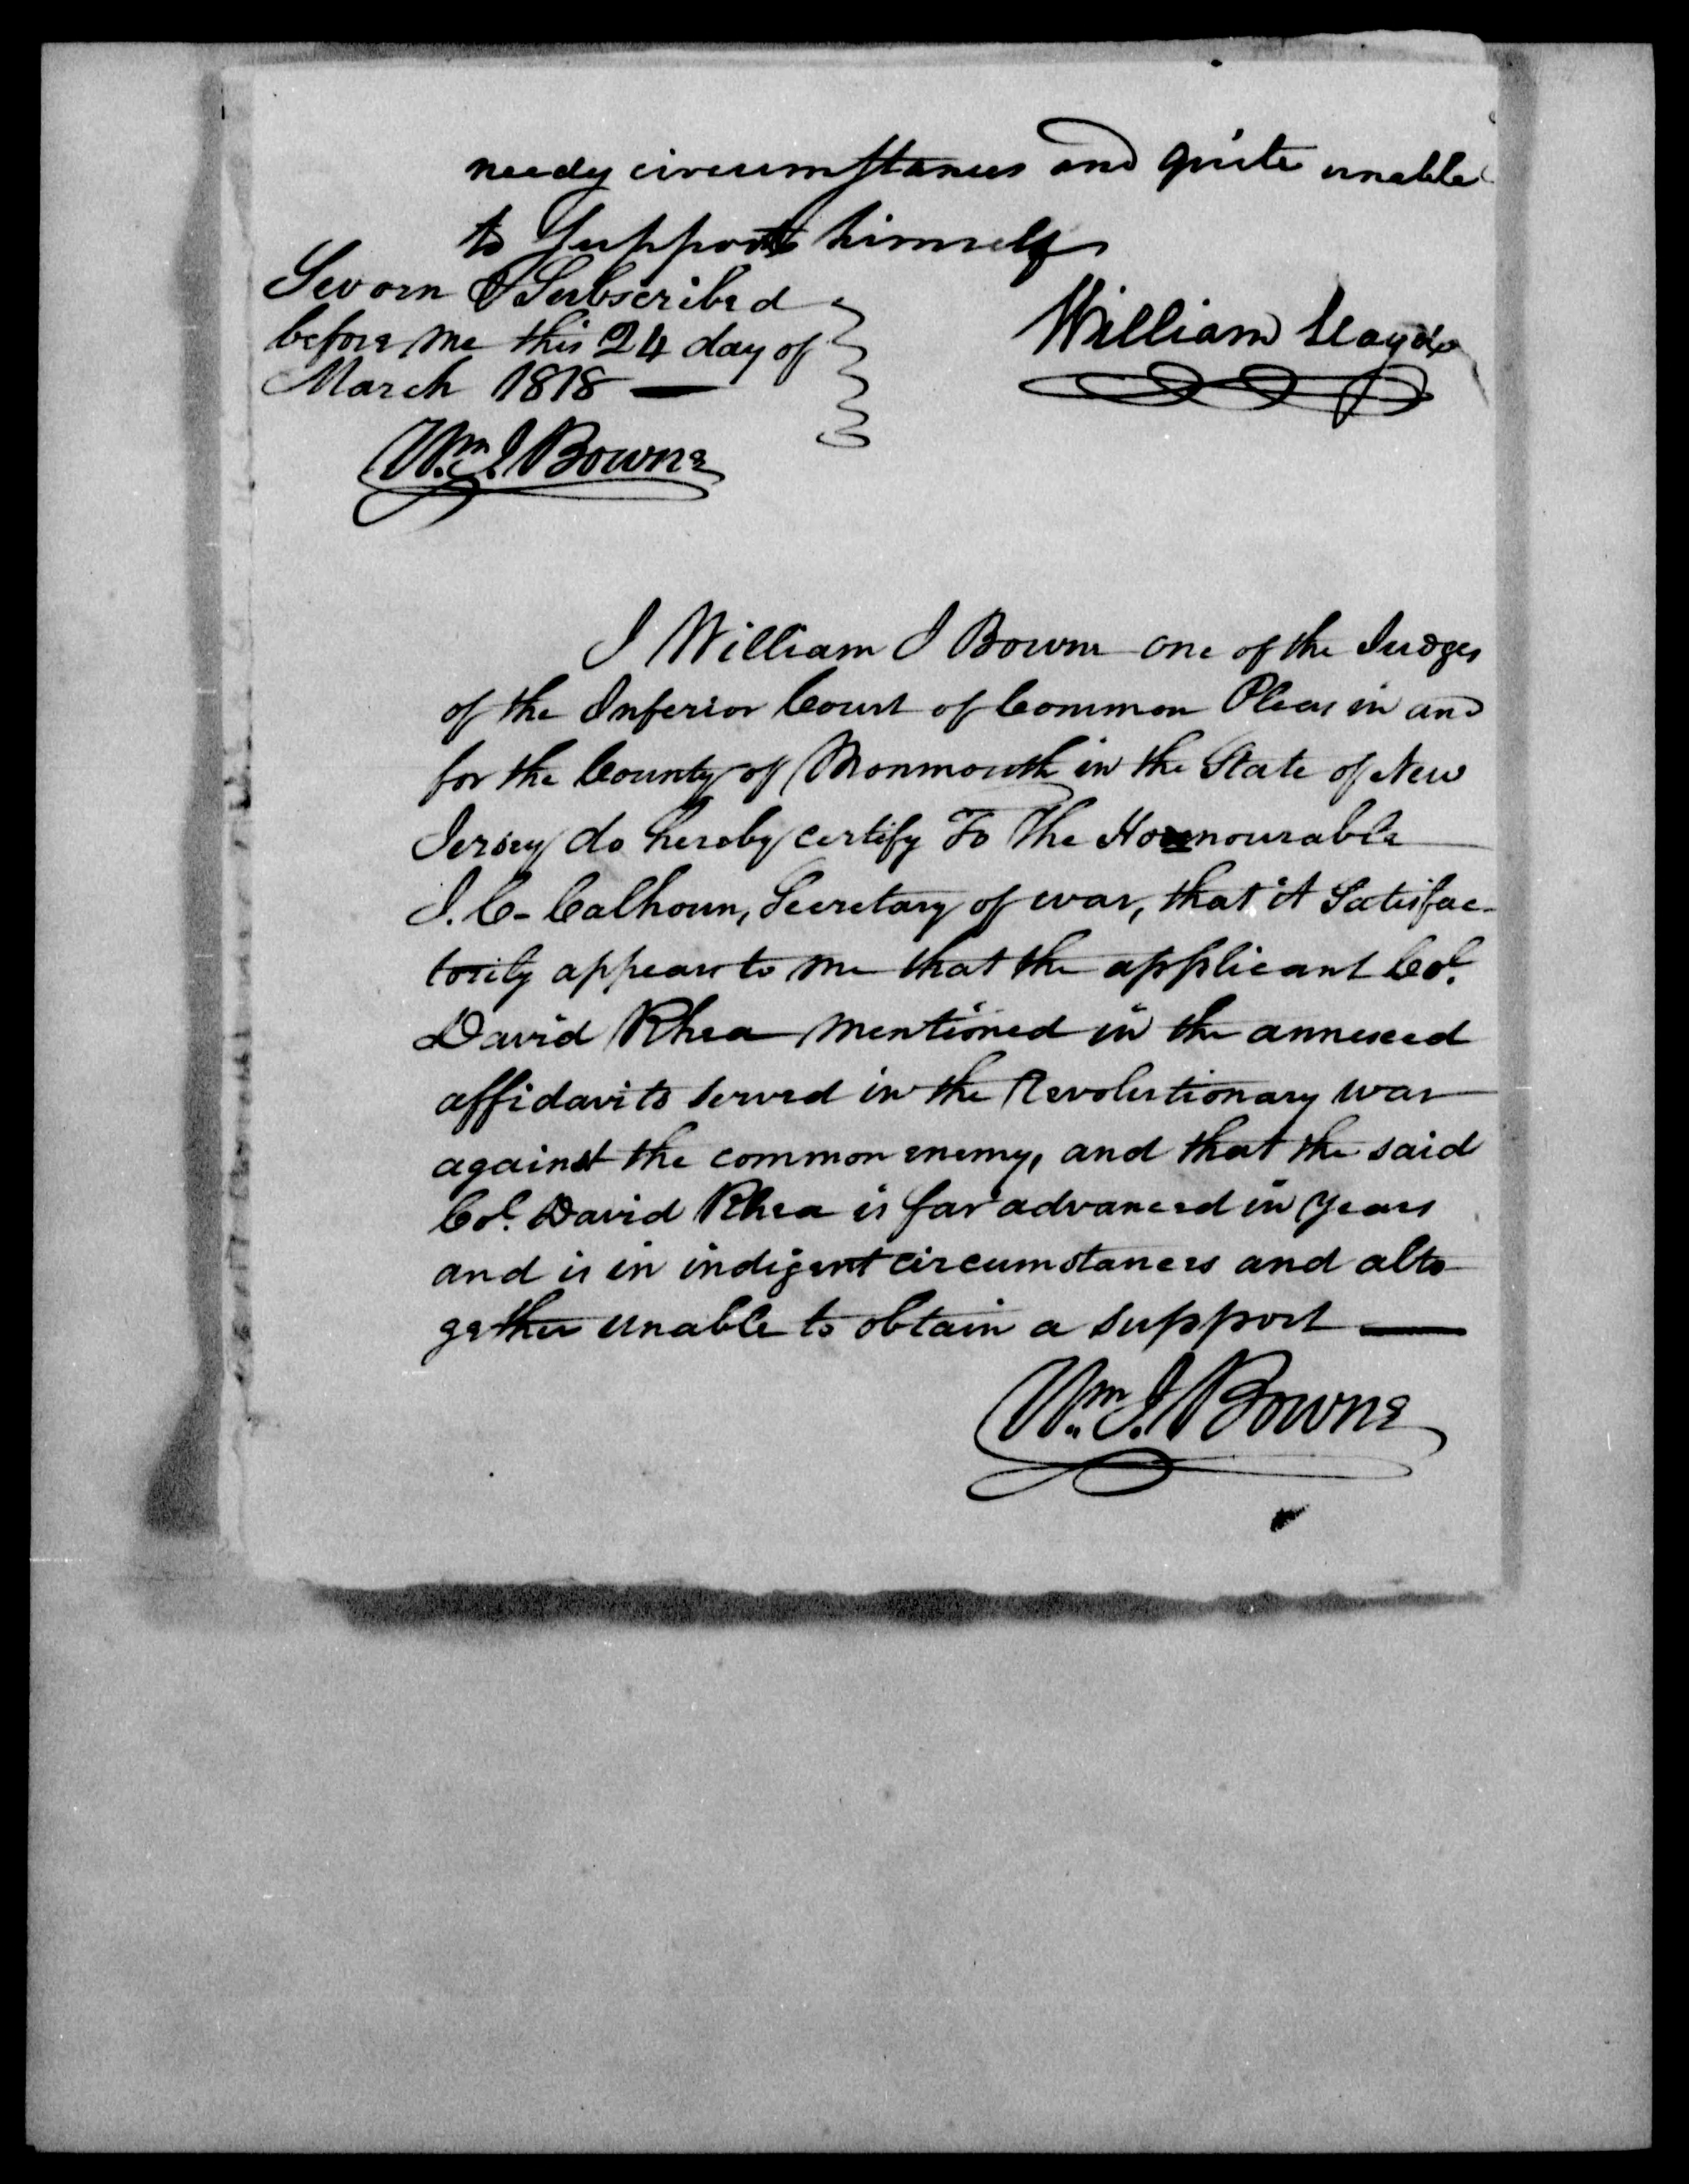needy circumstances and quite unable
to support himself

William Lloyd

Sworn & Subscribed
before me this 24 day of
March 1818-

Wm J. Bowne

I William J Bowne one of the Judges
of the Inferior Court of Common Pleas in and
for the County of Monmouth in the State of New
Jersey do hereby certify to the Honourable
J.C. Calhoun, Secretary of war, that it satisfactorily
appears to me that the applicant Col.
David Rhea mentioned in the annexed
affidavits served in the Revolutionary war
against the common enemy, and that the said
Col. David Rhea is far advanced in years
and is in indigent circumstances and altogether
unable to obtain a support.

Wm. J. Bowne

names: William Lloyd; David Rhea; Wm J Bowne; Wm J Bowne; William J Bowne; J C Calhoun; David Rhea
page: 7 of 21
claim: survivor's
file: S. 33,554, for David Rhea, New Jersey